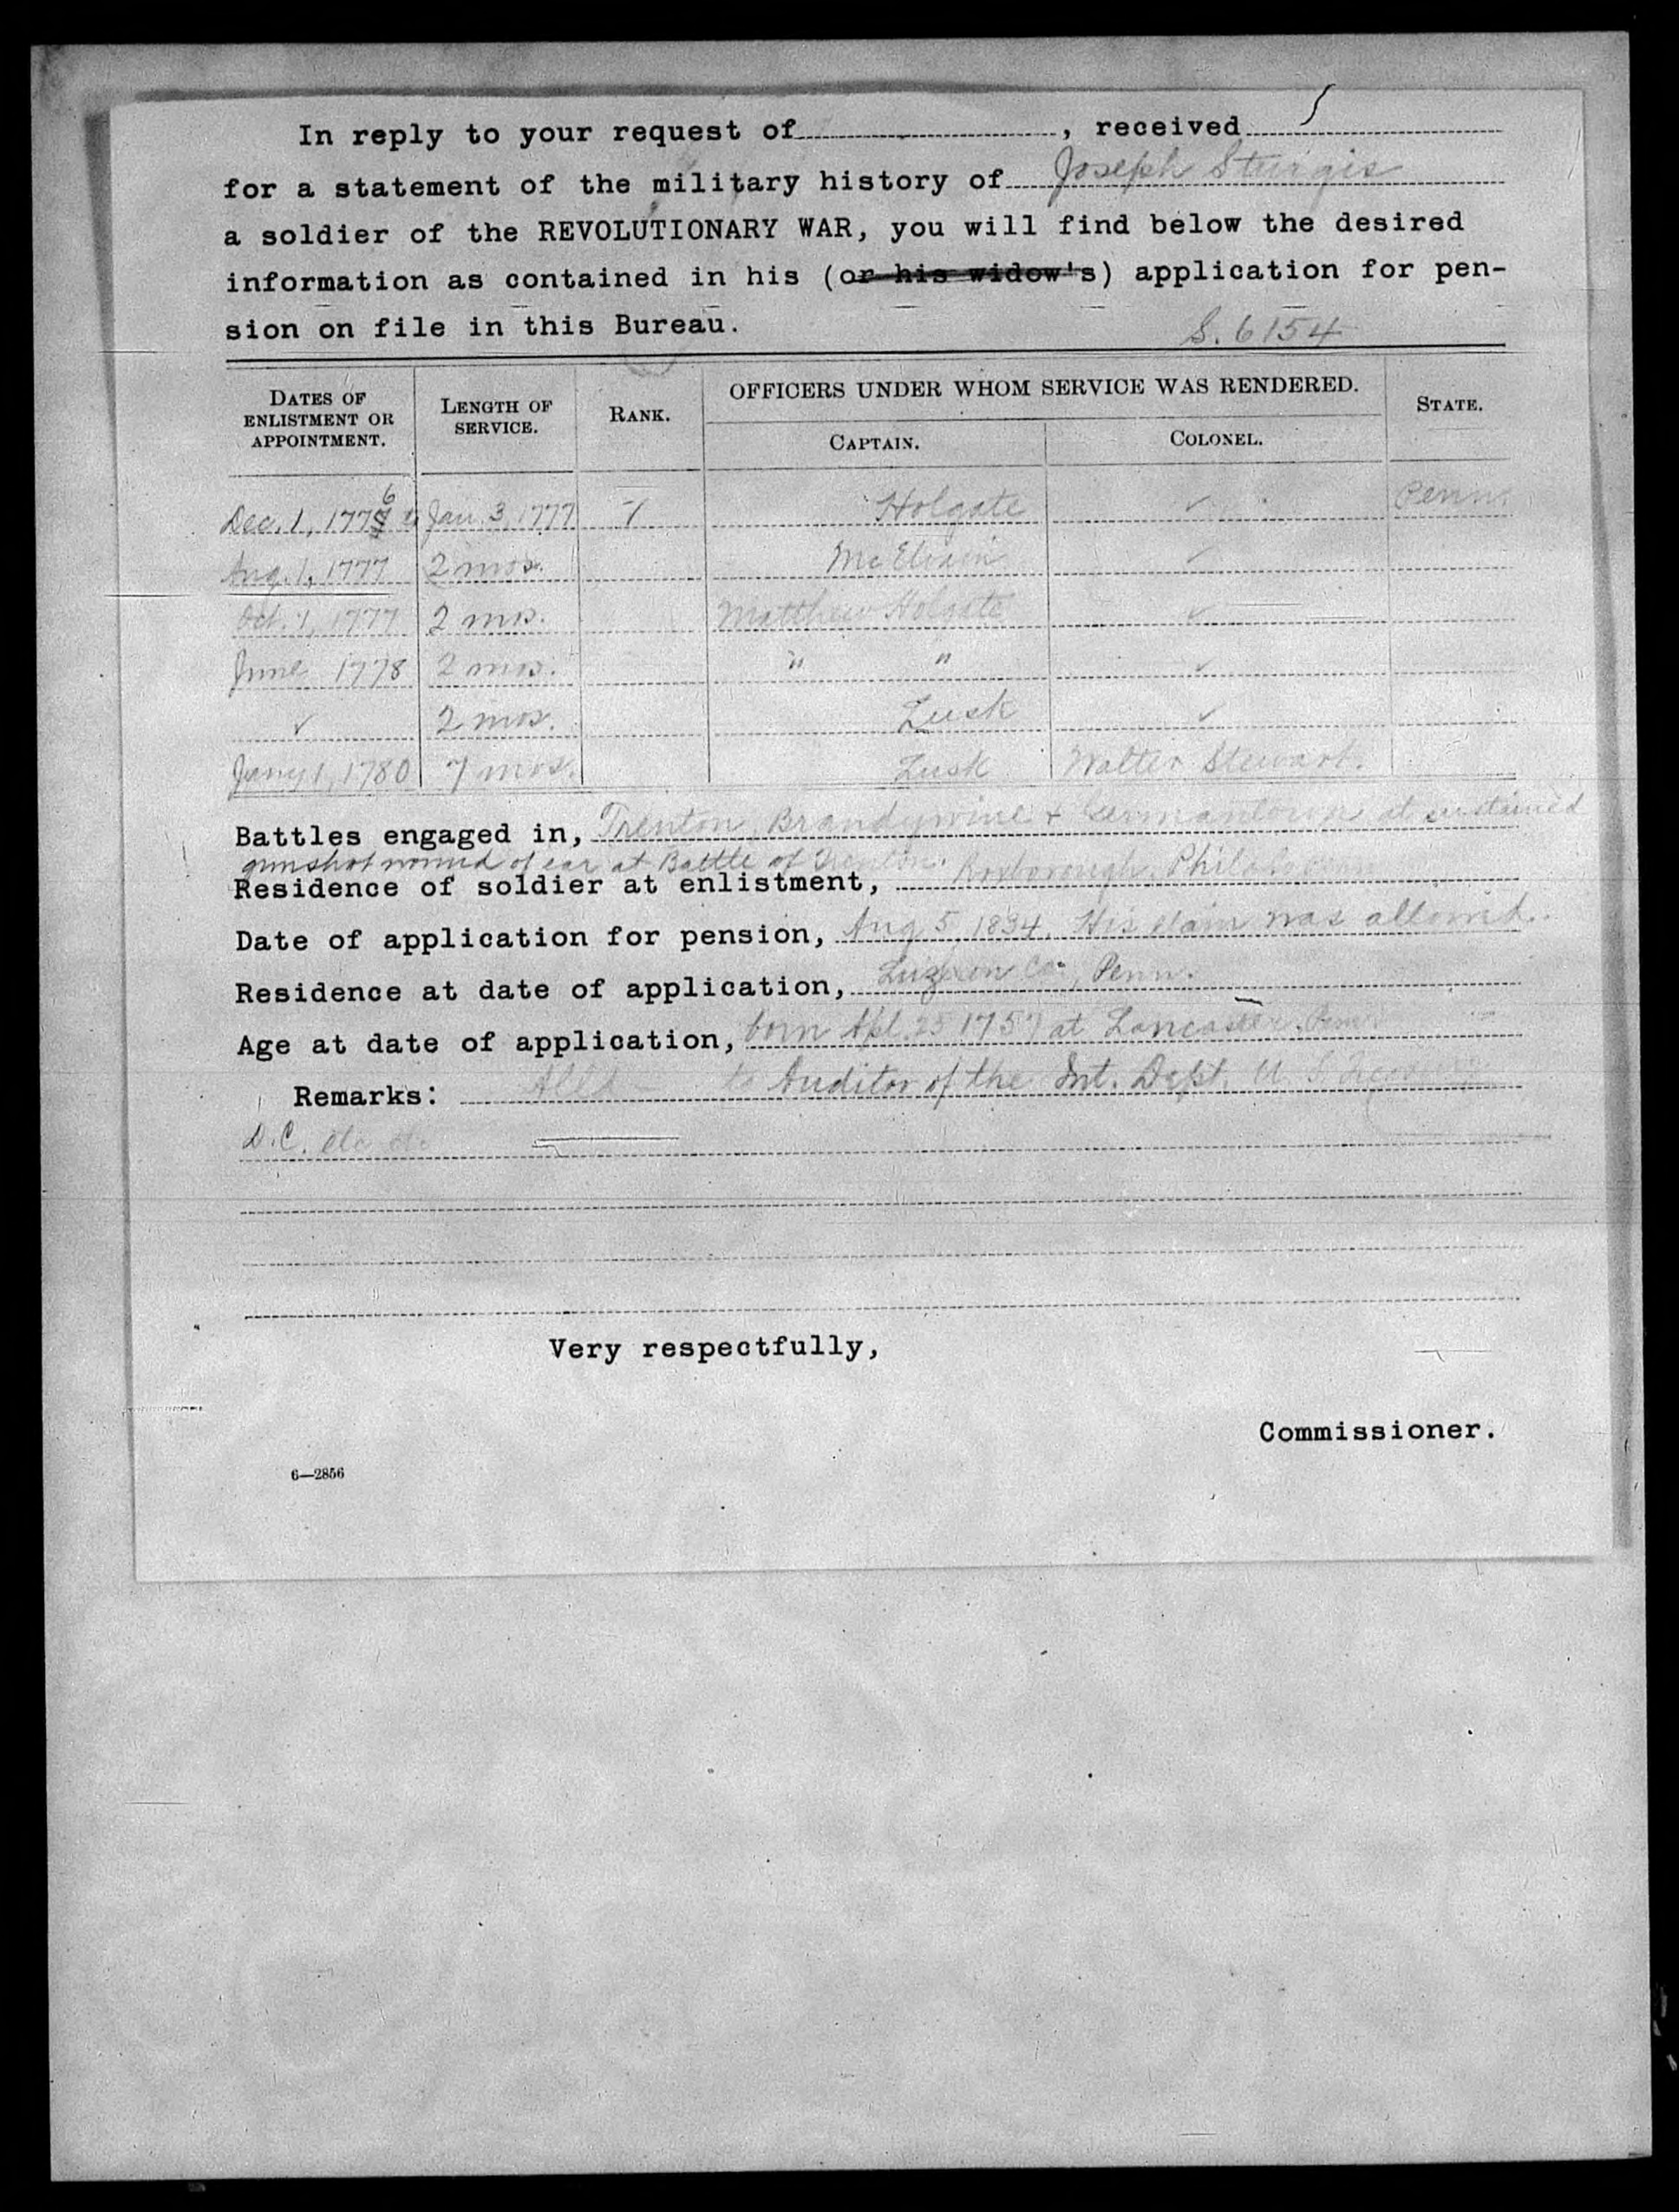In reply to your request of received for a statement of the military history of Joseph Sturgis a soldier of the REVOLUTIONARY WAR, you will find below the desired information as contained in his  application for pension on file in this Bureau.    
S. 6154         
DATES OF ENLISTMENT OR APPOINTMENT.  Dec 1776    LENGTH OF SERVICE.   To Jan 3 1777  RANK. OFFICERS UNDER WHOM SERVICE WAS RENDERED.  Captain Holgate   STATE. Penn 
DATES OF ENLISTMENT OR APPOINTMENT.  Aug. 1 1777   LENGTH OF SERVICE.  2 mos.    RANK. OFFICERS UNDER WHOM SERVICE WAS RENDERED.   Captain McElvain  
DATES OF ENLISTMENT OR APPOINTMENT. Oct 1 1777    LENGTH OF SERVICE.  2 mos.  RANK. OFFICERS UNDER WHOM SERVICE WAS RENDERED.   Captain Matthew Holgate 
DATES OF ENLISTMENT OR APPOINTMENT.  June 1778   LENGTH OF SERVICE. 2 mos.    RANK. OFFICERS UNDER WHOM SERVICE WAS RENDERED.  Captain Matthew Holgate    
DATES OF ENLISTMENT OR APPOINTMENT. June 1778    LENGTH OF SERVICE.  2 mos.   RANK.   OFFICERS UNDER WHOM SERVICE WAS RENDERED.  Captain Lusk 
DATES OF ENLISTMENT OR APPOINTMENT.  June 1 1780   LENGTH OF SERVICE.  7 mos.    RANK. OFFICERS UNDER WHOM SERVICE WAS RENDERED.  Captain Lusk Colonel Walter Stuart  
Battles engaged in, Trenton, Brandywine & Germantown, sustained gunshot wound of ear at Battle of Trenton.
Residence of soldier at enlistment Roxborough Phila    
Date of application for pension, Aug 1834, His claim was allowed    
Residence at date of application,  Luzerne Co. Penn.
Age at date of application, born Apl 1757 at Lancaster Penn.  
Remarks: [unreadable] to Auditor of the Int. Dept. U. S. Treasury D. C. etc etc.
Very respectfully, 
Commissioner.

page: 19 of 31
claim: survivor's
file: S. 6154, for Joseph Sturgis, Pennsylvania